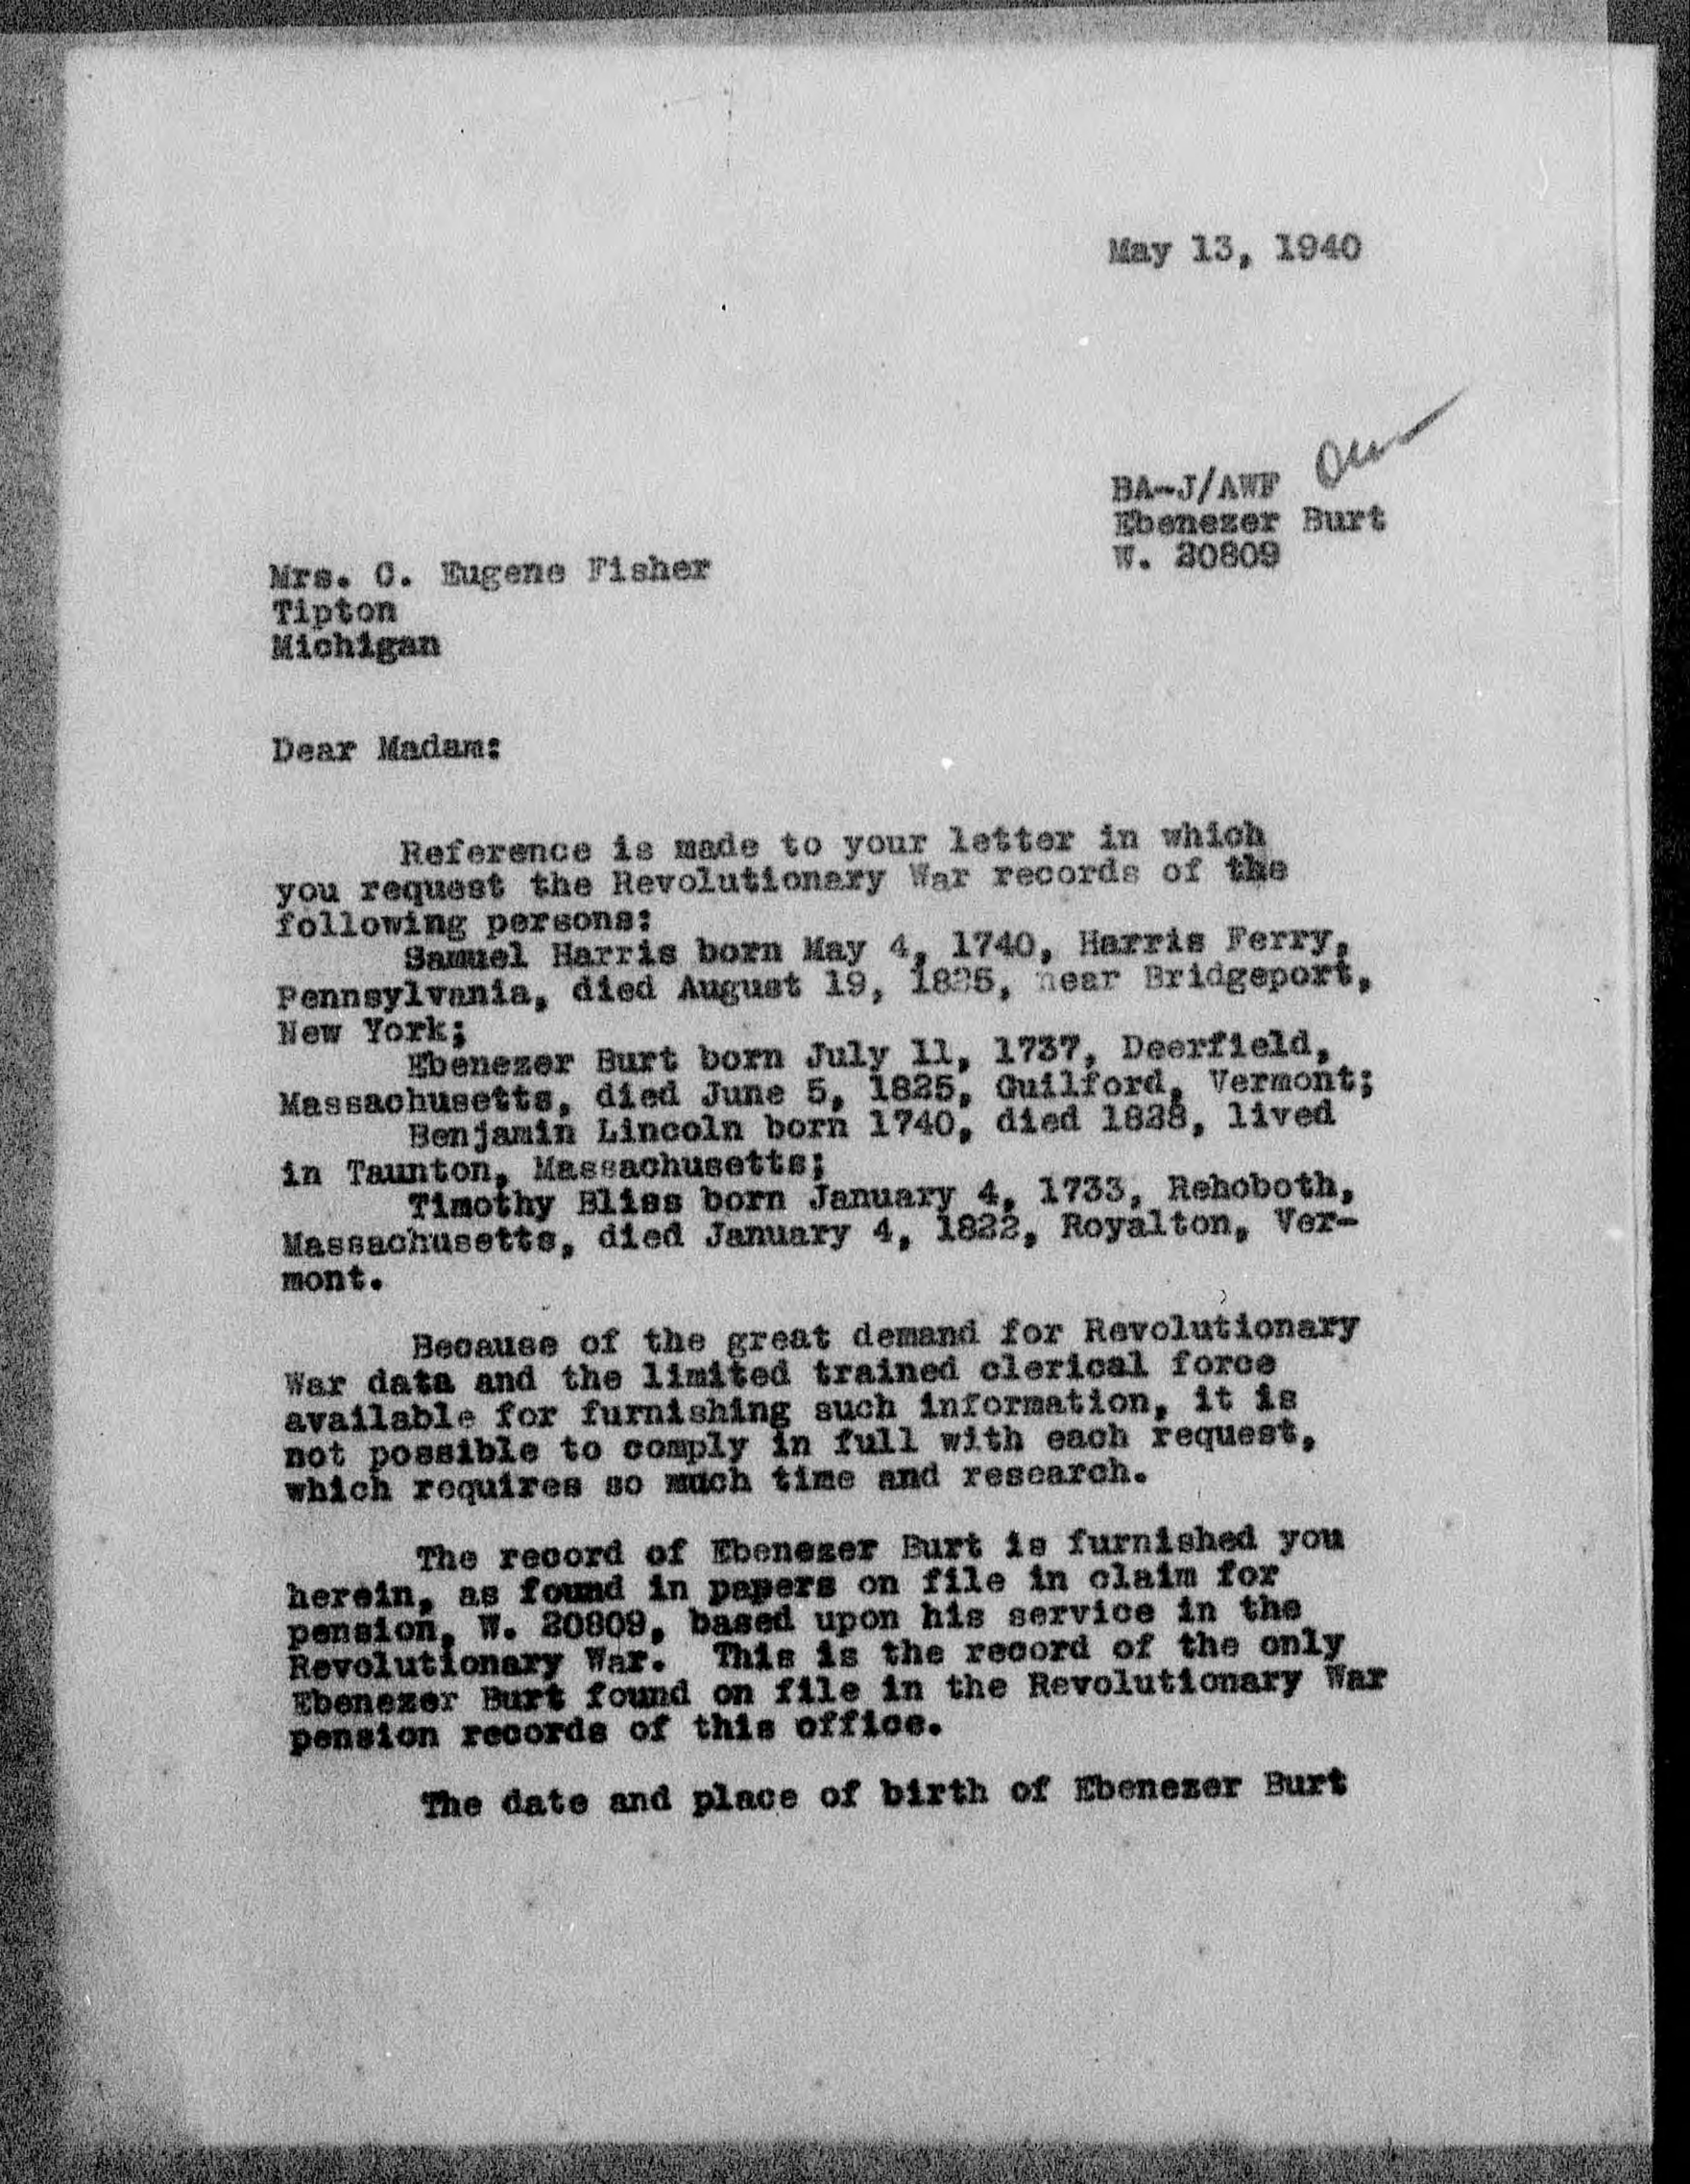May 13, 1940

BA-J/AWF
on
Ebenezer Burt
W. 20809

Mrs. C. Eugene Fisher
Tipton
Michigan

Dear Madam:

Reference is made to your letter in which you request the Revolutionary War records of the
following persons:

Samuel Harris born May 4, 1740, Harris Ferry,
Pennsylvania, died August 19, 1825, near Bridgeport, New York;

Ebenezer Burt born July 11, 1737, Deerfield,
Massachusetts, died June 5, 1825, Guilford, Vermont;

Benjamin Lincoln born 1740, died 1828, lived in
Taunton, Massachusetts;

Timothy Eliss born January 4, 1733, Rehoboth,
Massachusetts, died January 4, 1822, Royalton, Vermont.

Because of the great demand for Revolutionary War data and the limited trained clerical force
available for furnishing such information, it is
not possible to comply in full with each request, which requires so much time and research.

The record of Ebenezer Burt is furnished you
herein, as found in papers on file in claim for
pension, W. 20809, based upon his service in the Revolutionary War. This is the record of the only Ebenezer Burt found on file in the Revolutionary War pension records of this office.

The date and place of birth of Ebenezer Burt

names: Ebenezer Burt, Samuel Harris, Benjamin Lincoln, Ebenezer Burt, Ebenezer Burt, C Eugene Fisher, Ebenezer Burt, Ebenezer Burt, Timothy Bliss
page: 15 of 17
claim: widow's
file: W. 20809, Ebenezer Burt, Mass.